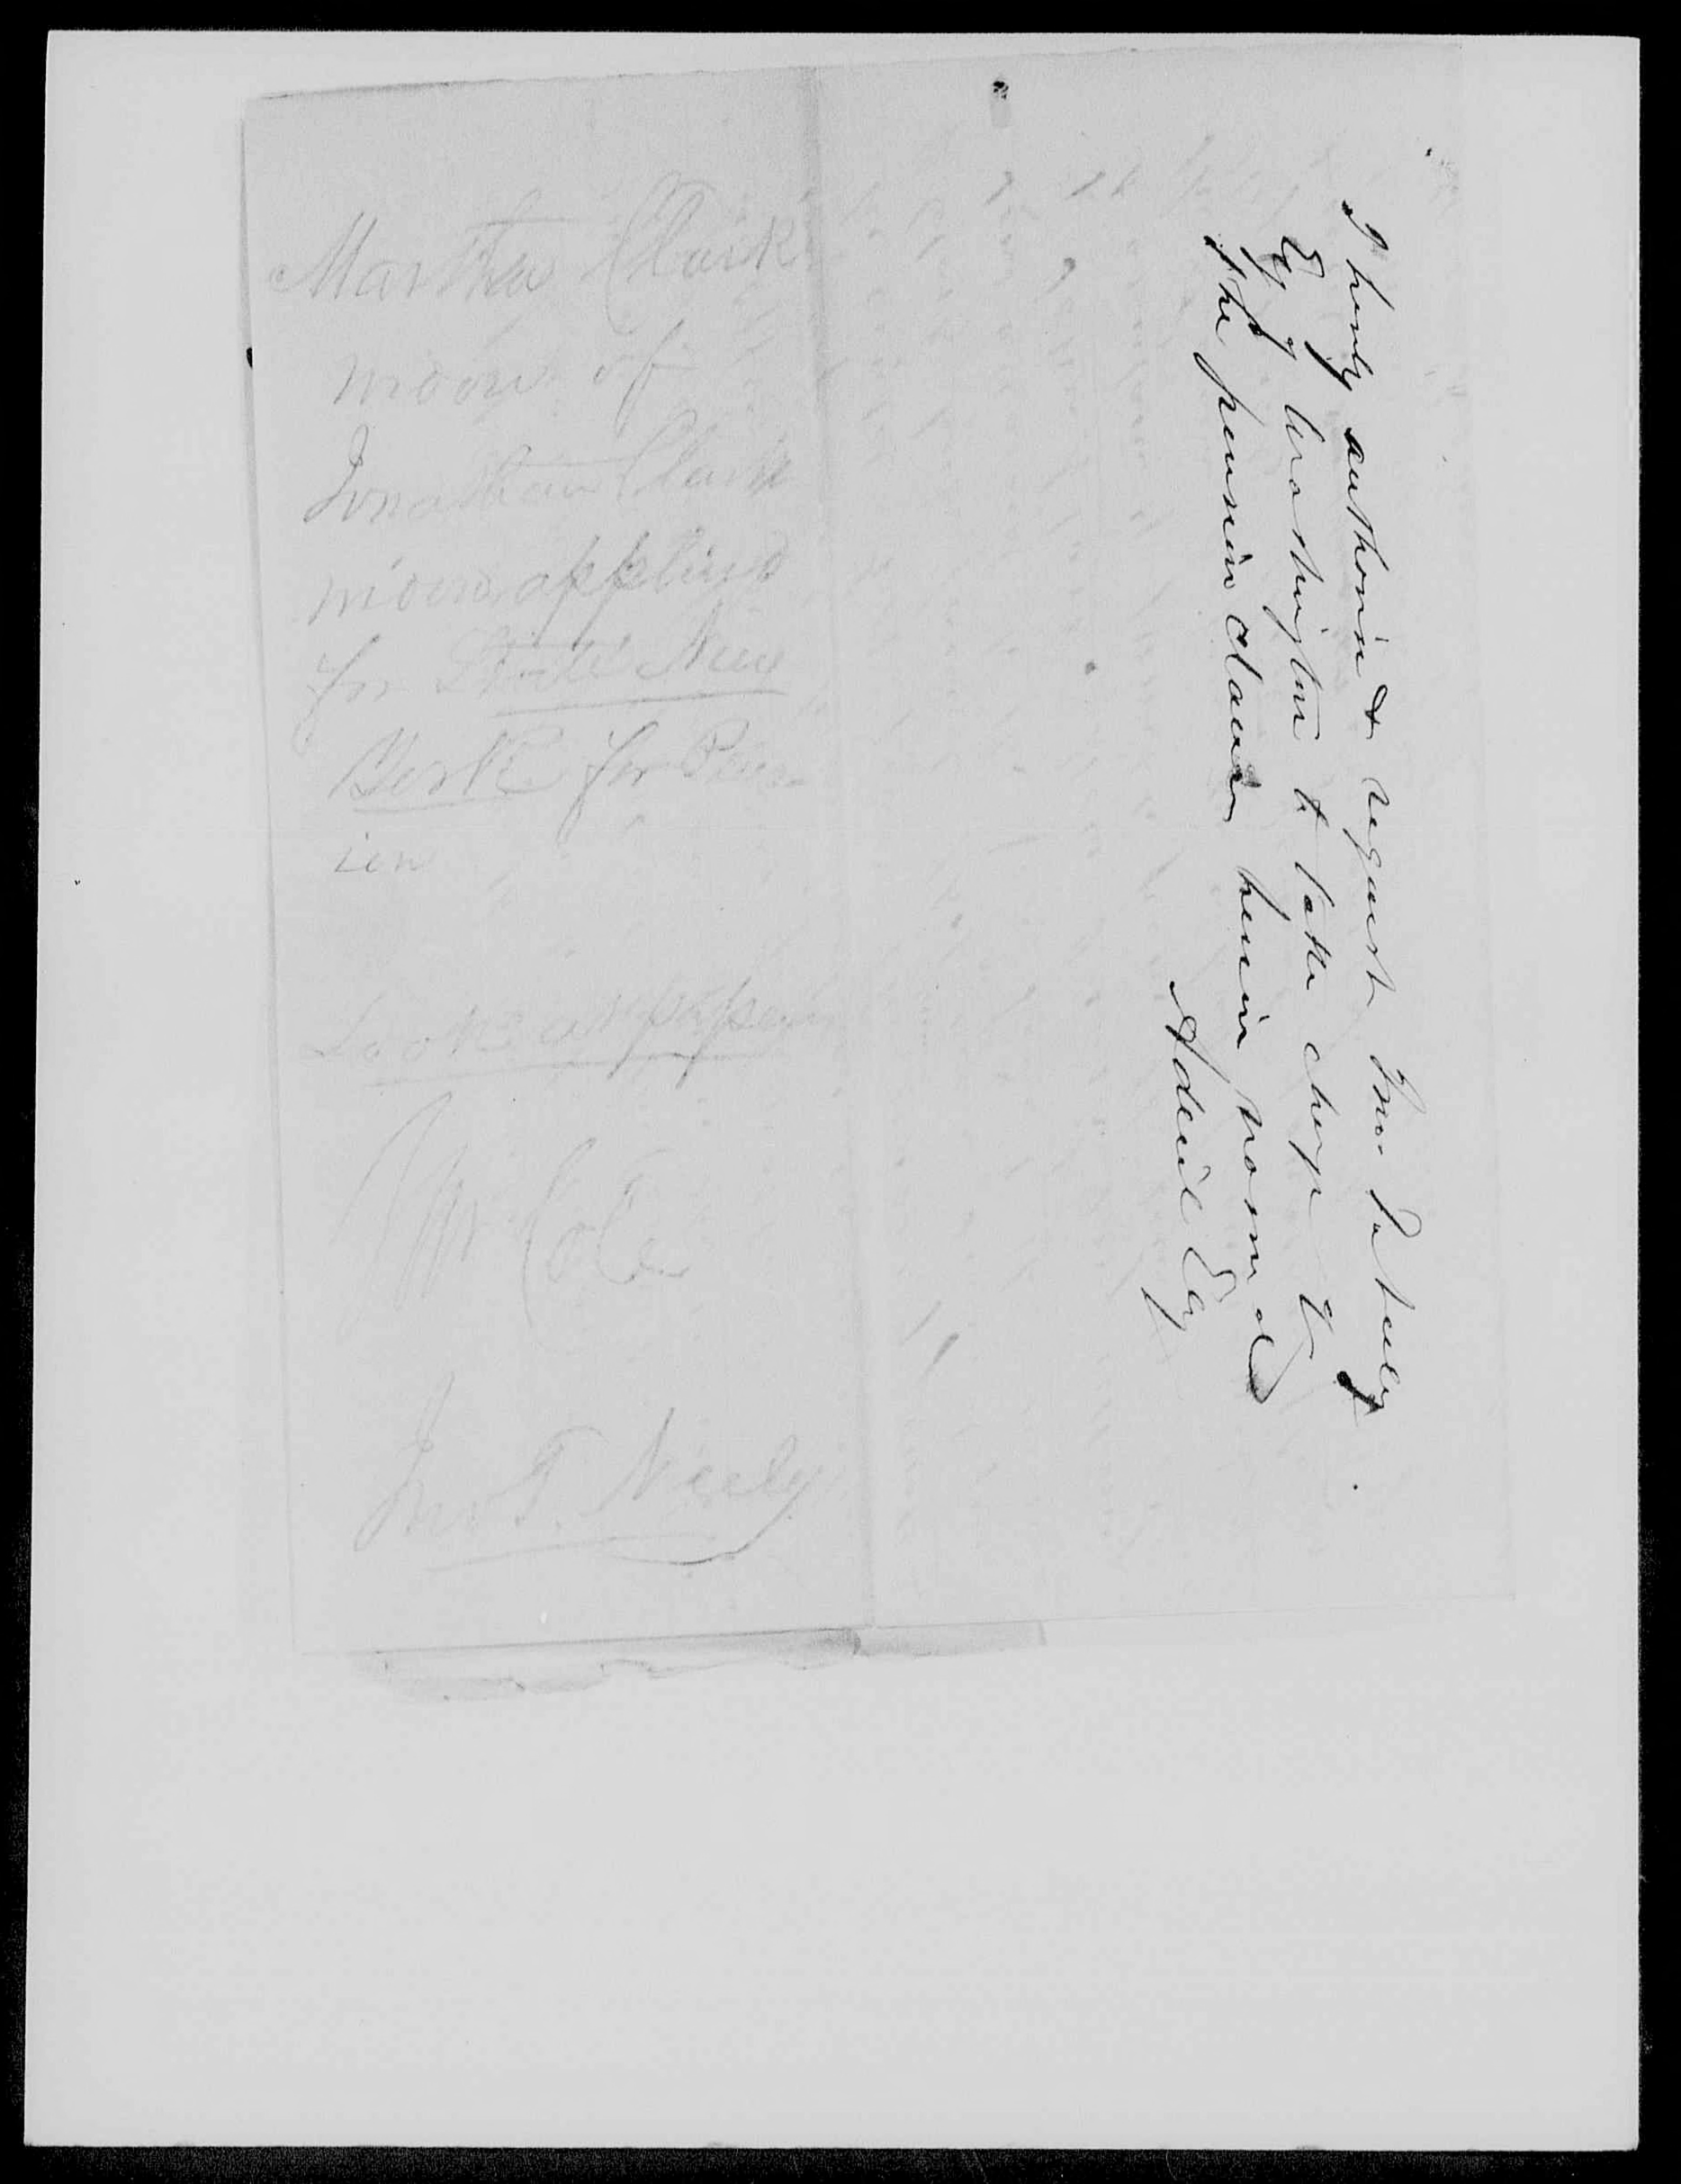I hereby authorize & request Jno T Neely
Esq of Washington to take charge of
the pension claim herein named
Adecil Ely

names: Mc Cole, Jno T Neely, Jonathan Clark, Martha Clark, Jno T Neely, Adecil Ely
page: 2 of 26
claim: rejected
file: R. 2001, Jonathan Clark, Conn.